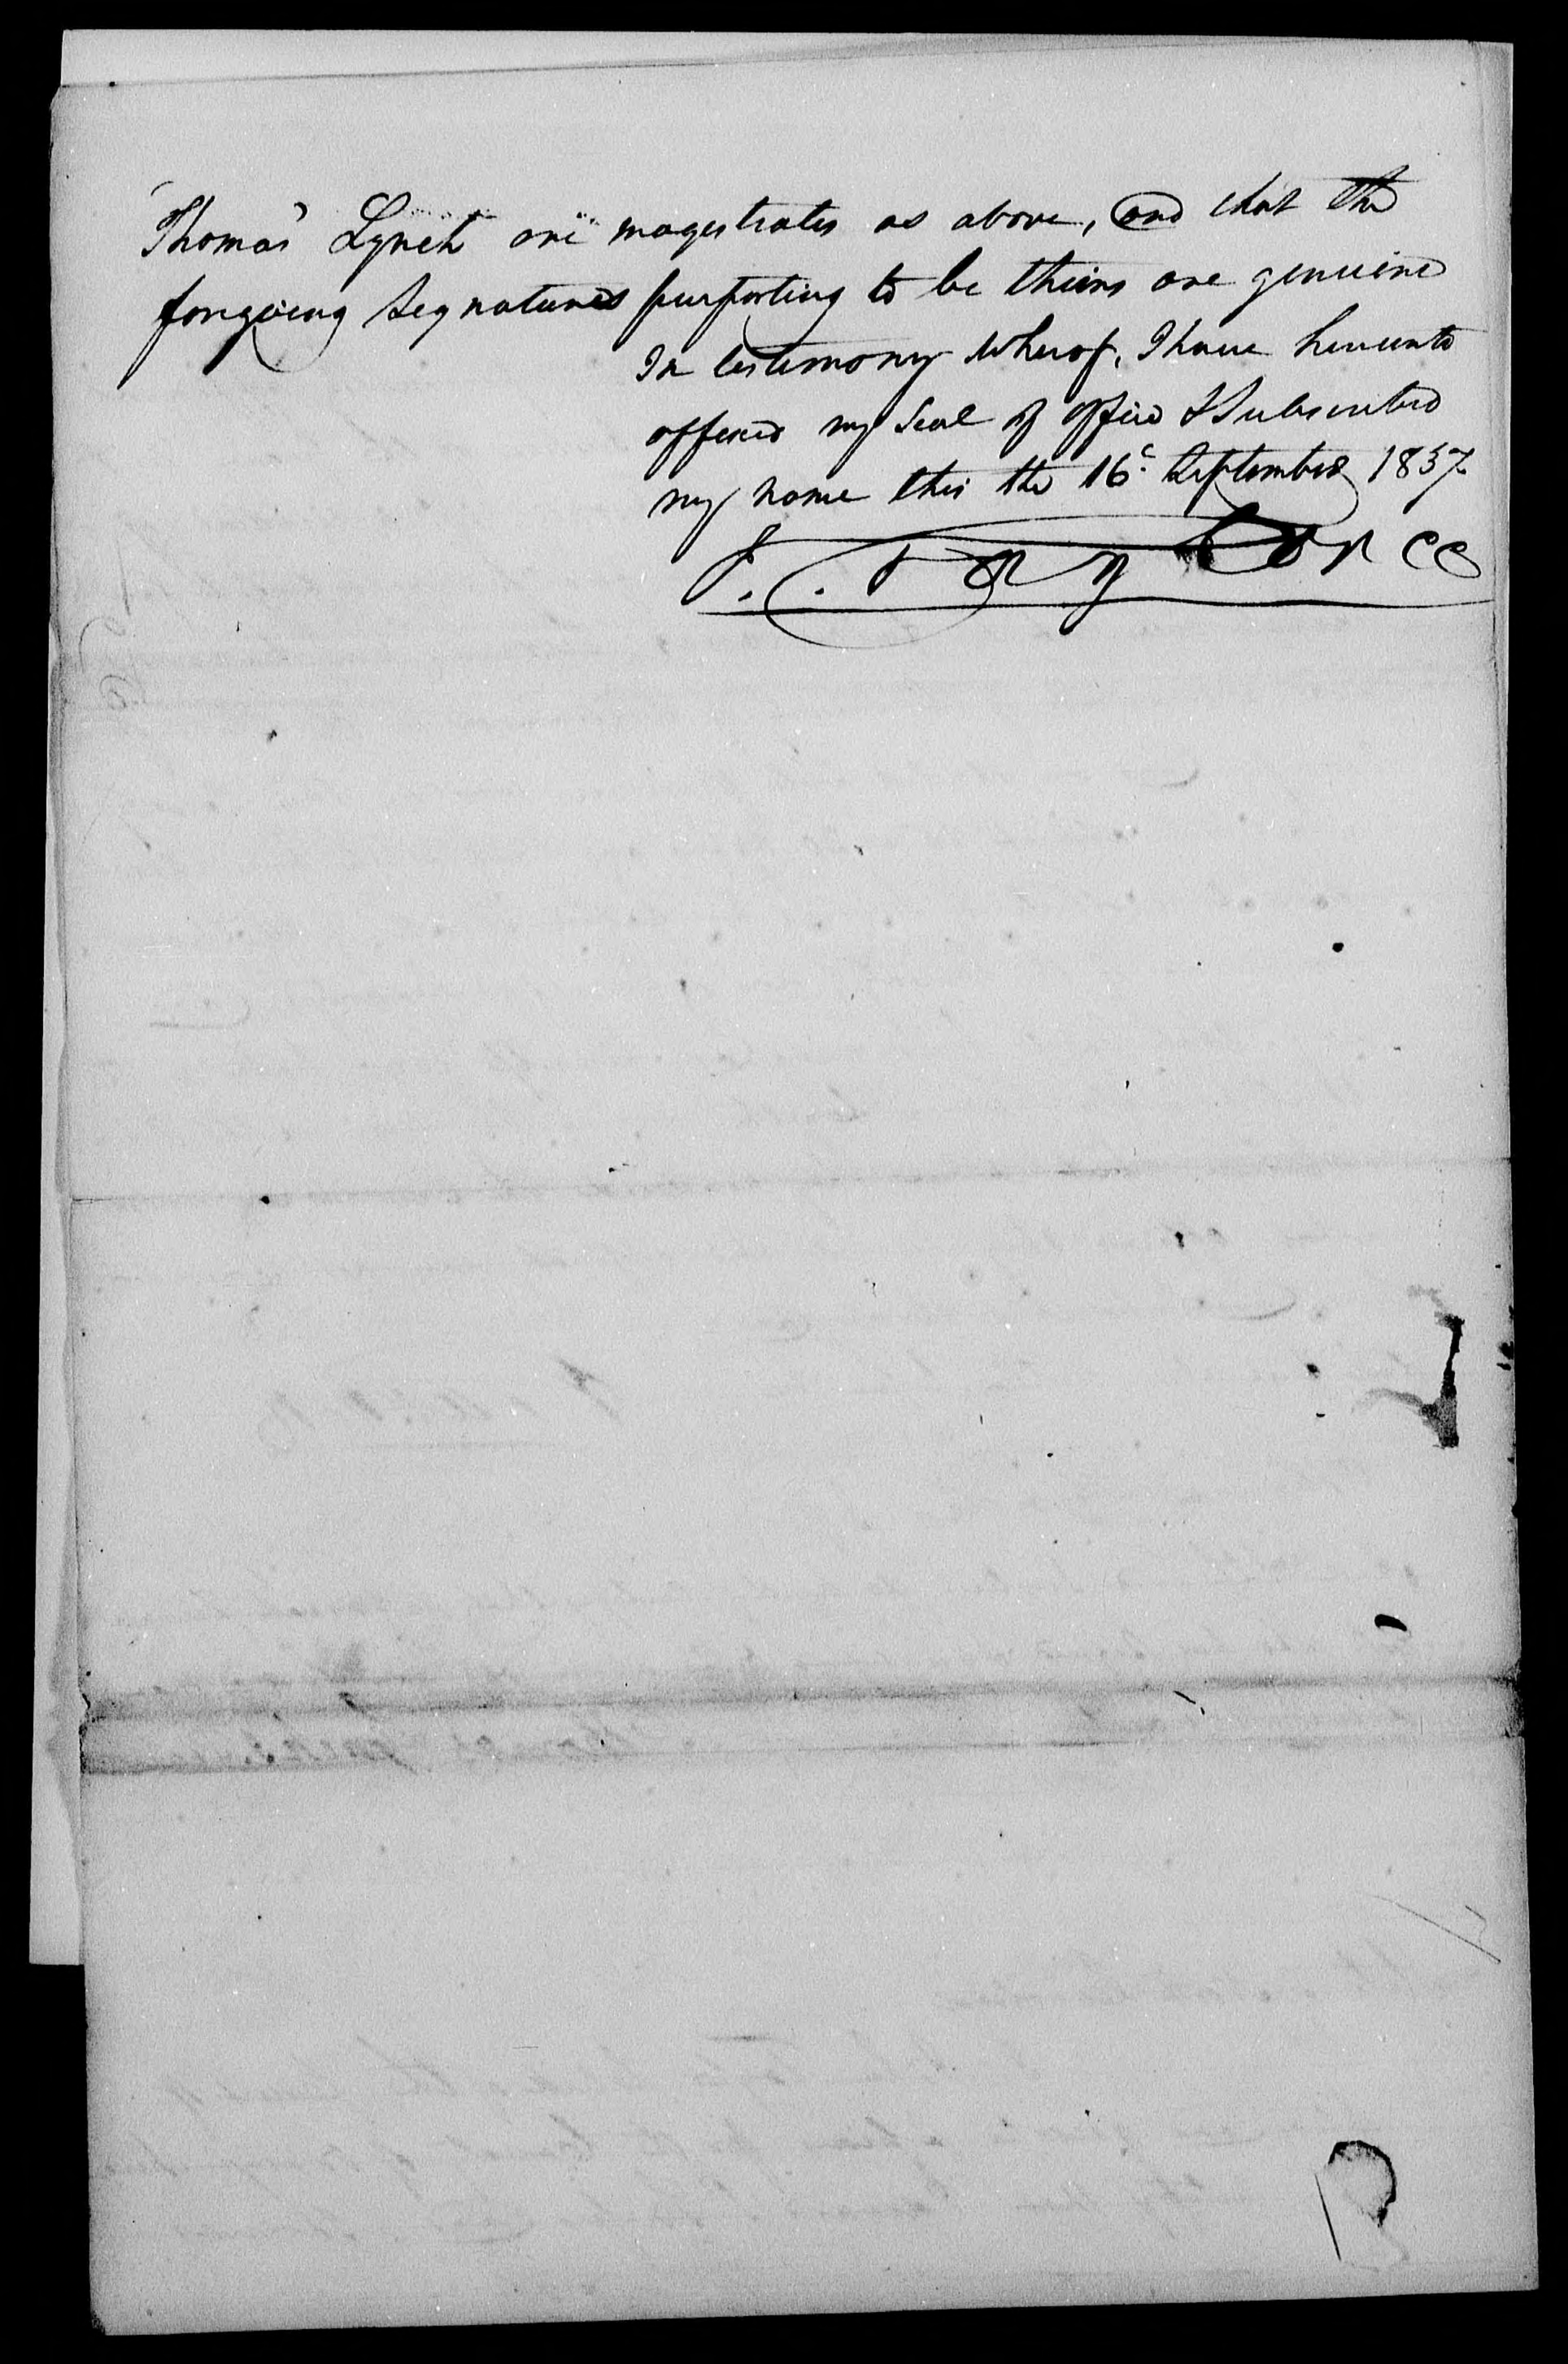[Handwritten record. Second and final page of Josiah Turner Esquire's statement.]

Thomas' Lynch are magistrates as above, and that the foregoing Signatures purporting to be theirs are genuine

In testimony Whereof, I have hereunto offered my Seal of office and Subscribed my name this the 16th September 1837.

[Signature] J. Taylor CC [possibly meaning Clerk of Court]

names: J Cray Cox, Thomas Lynch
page: 118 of 145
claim: survivor's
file: S. 8265, William Cumming, N.C.